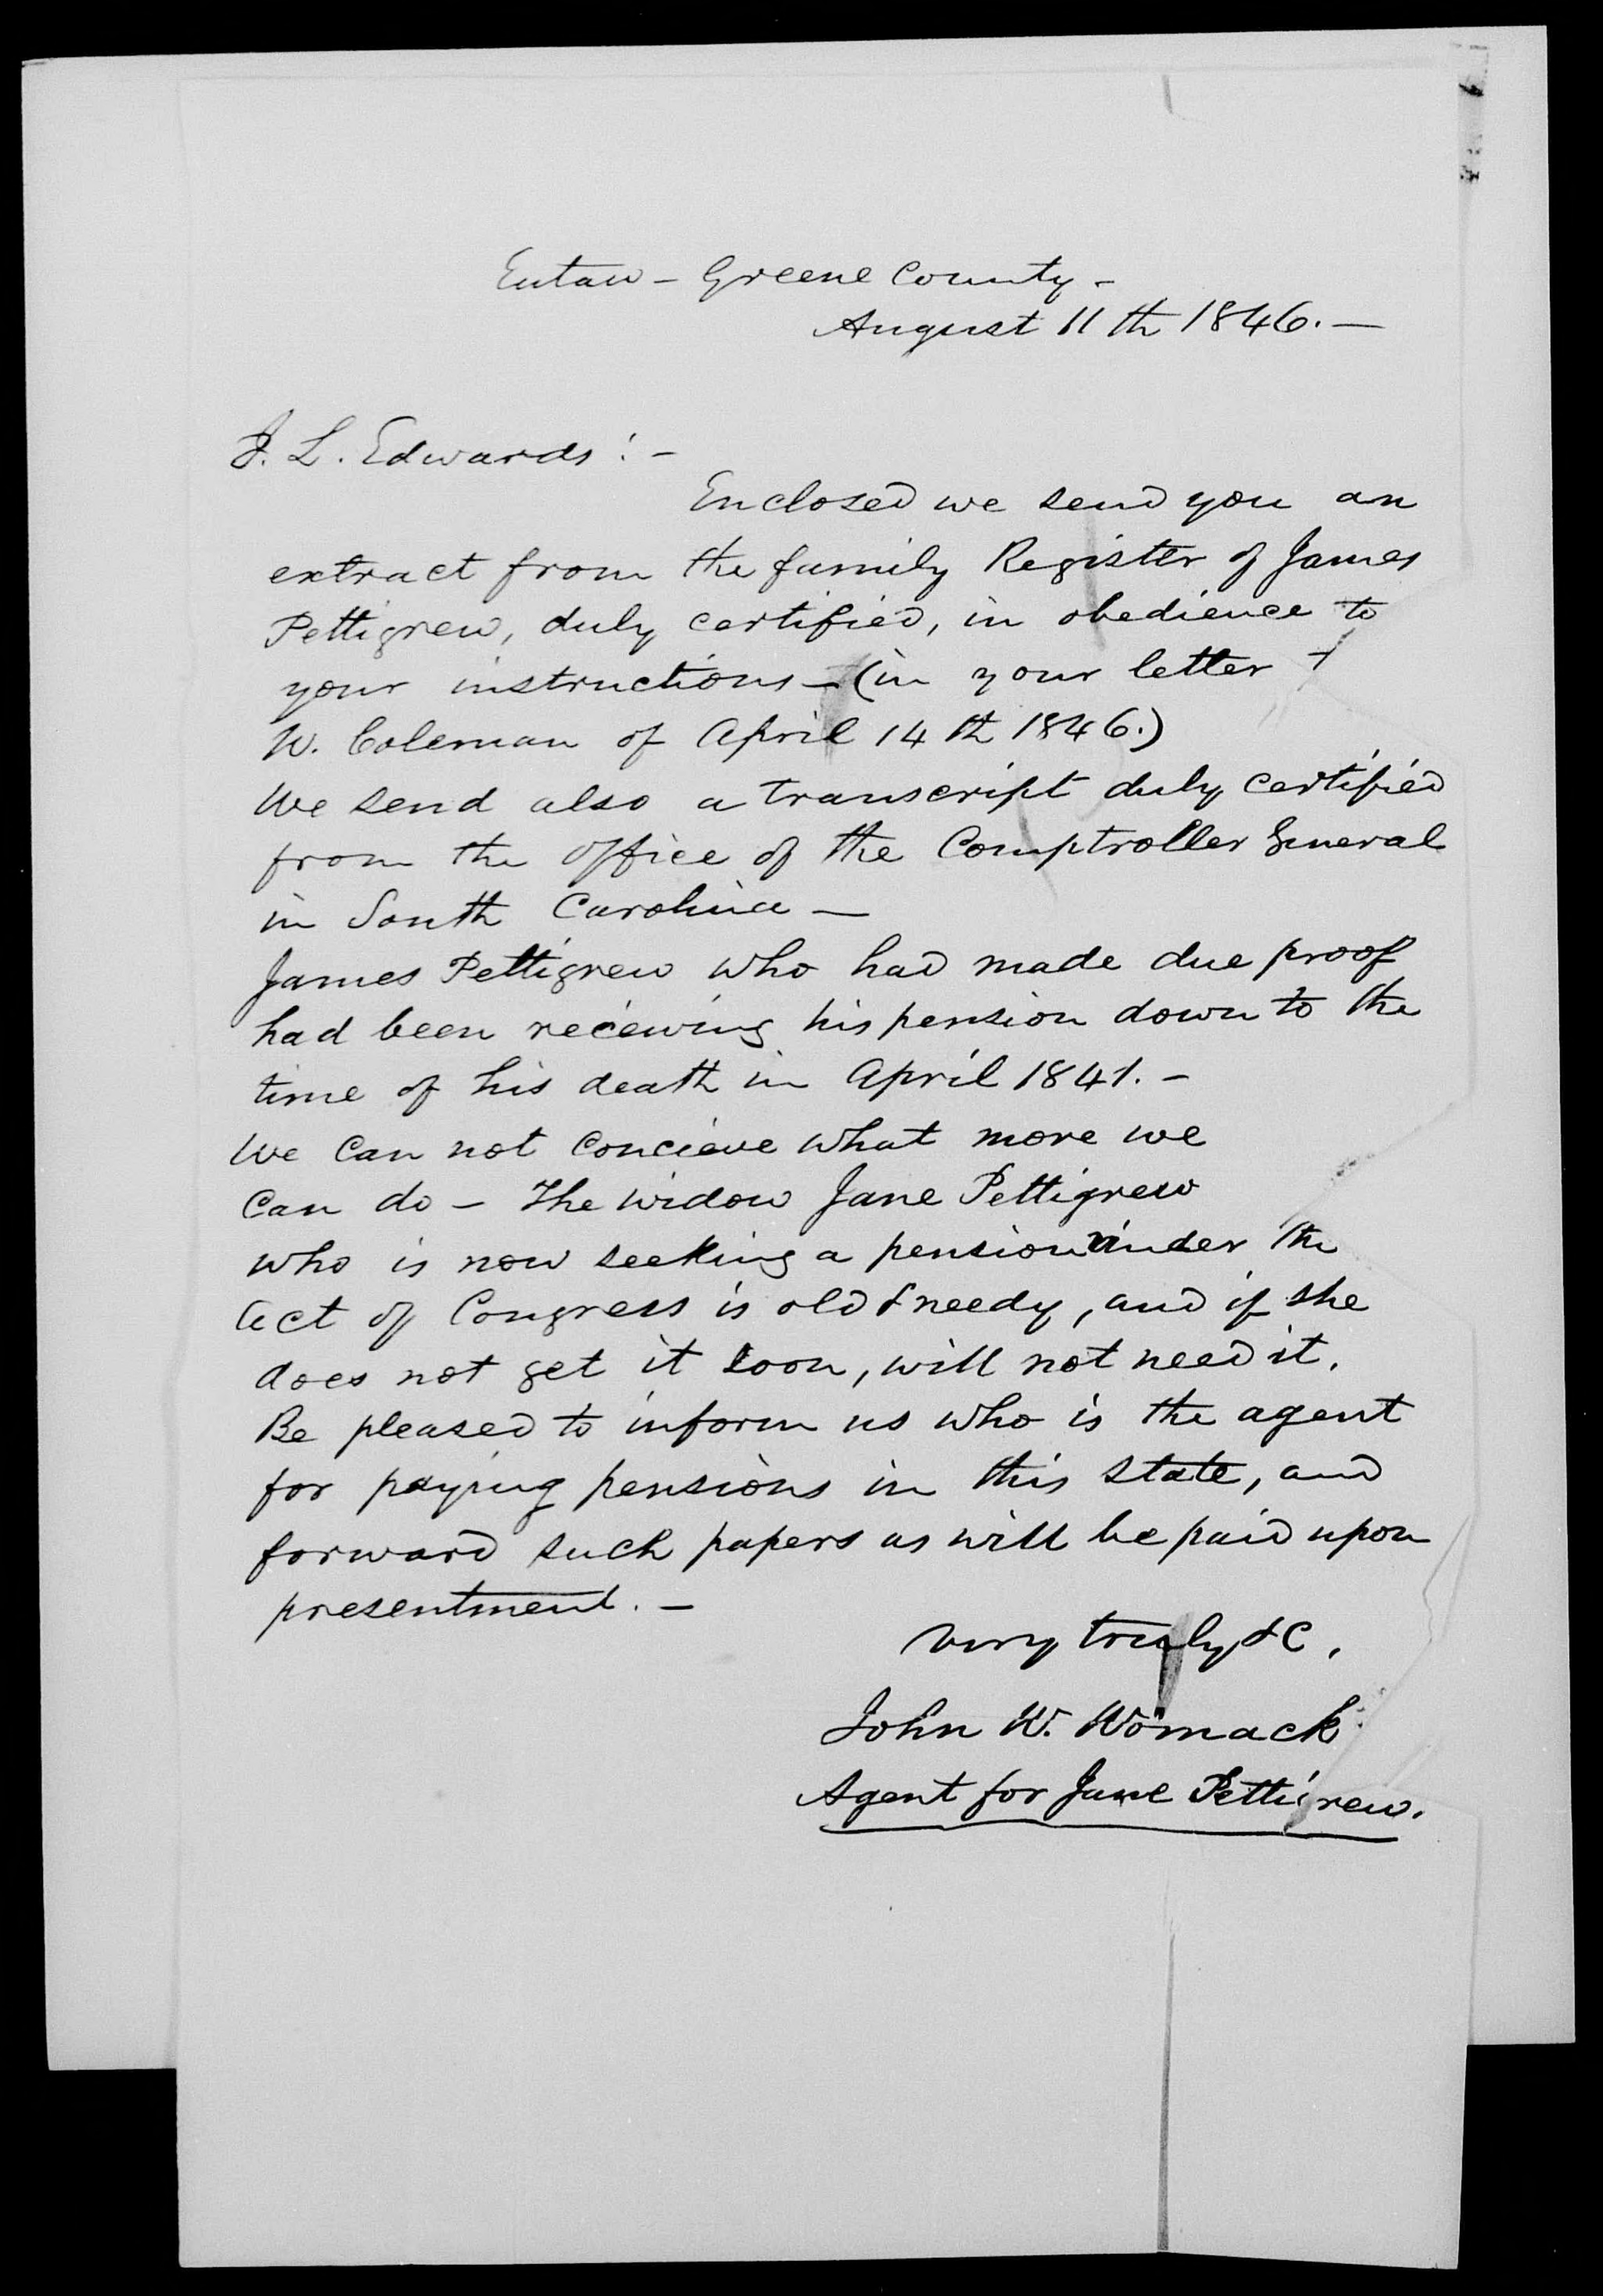Eutaw - Greene County -
August 11th 1846. -

J. L. Edwards: -
Enclosed we send you an extract from the family Register of James Pettigrew, duly certified, in obedience to your instructions - (in your letter to W. Coleman of April 14th 1846.)
We send you also a transcript duly certified from the office of the Comptroller General in South Carolina -
James Pettigrew who had made due proof had been receiving his pension down to the time of his death in April 1841. -
We can not conceive what more we can do - The widow Jane Pettigrew who is now seeking a pension aider the Act of Congress is old & needy, and if she does not set it soon, will not need it. Be pleased to inform us who is the agent for paying pensions in this state, and forward such papers as will be paid upon presentment. -
Very Truly dc. 
john W. Womack
Agent for Jane Pettigrew.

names: James Pettigrew; W Coleman; Jane Pettigrew; John W Womack; J L Edwards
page: 68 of 92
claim: widow's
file: W. 5522, for James Pettigrew, South Carolina